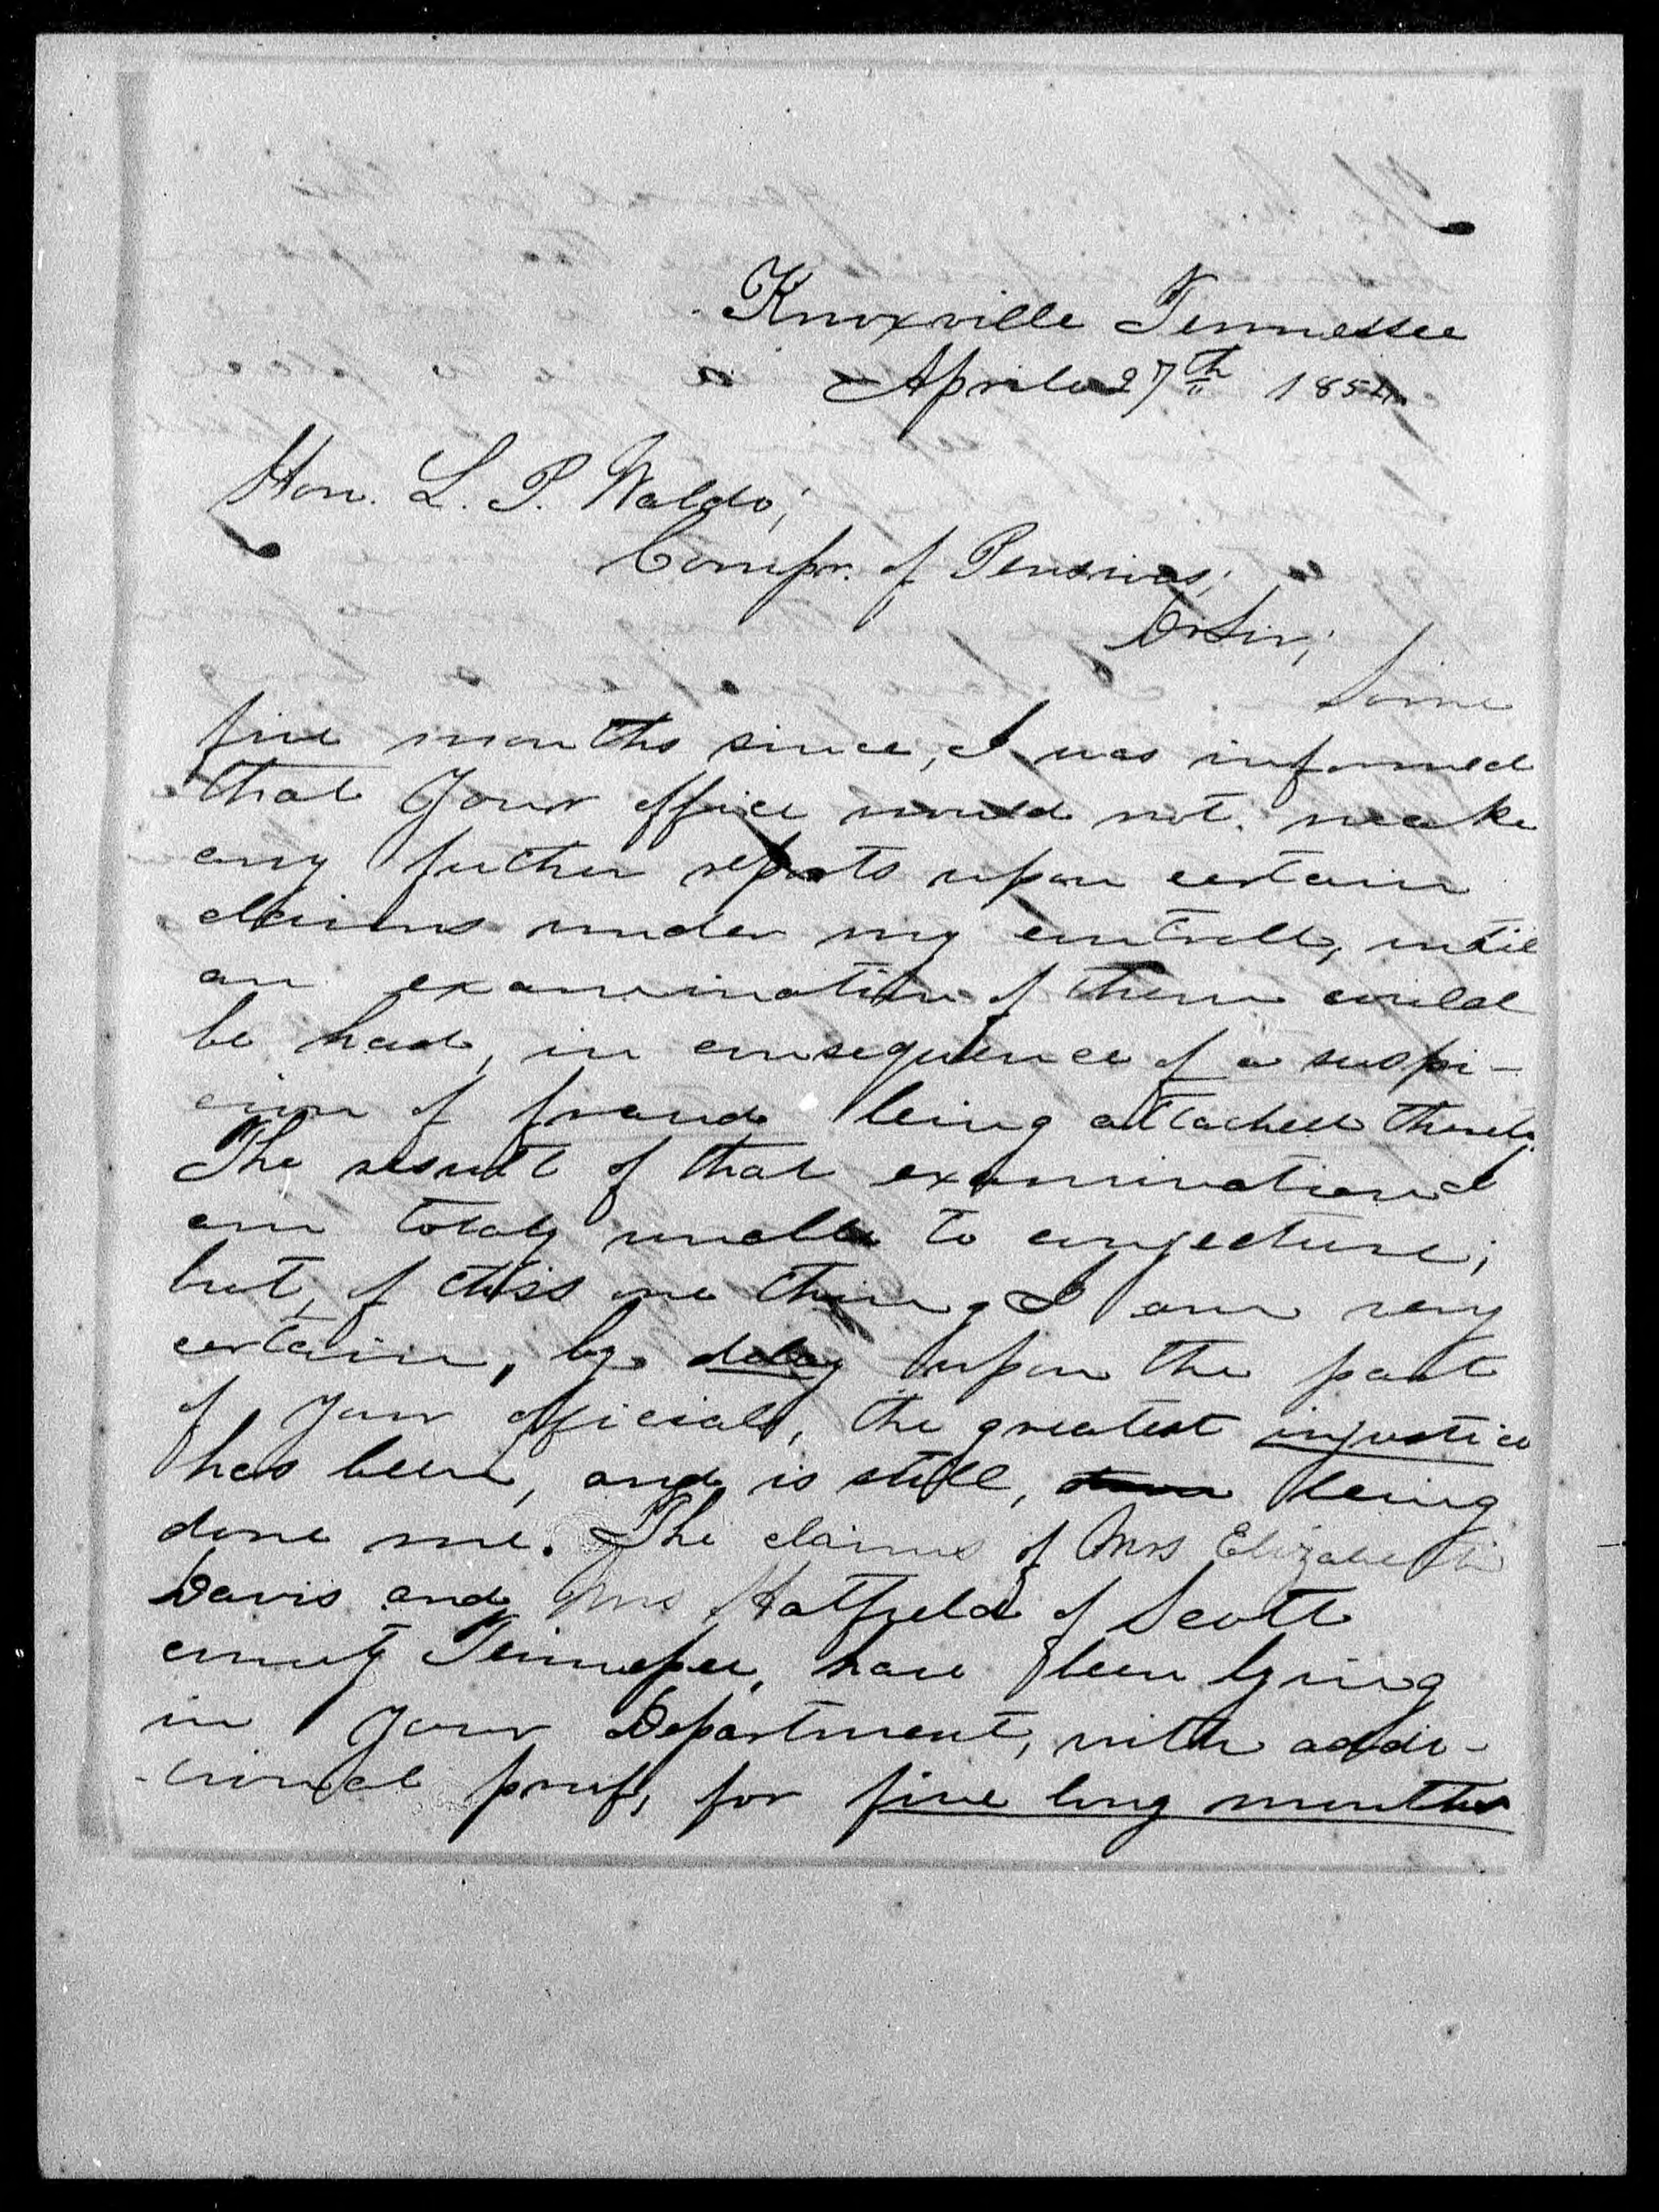Knoxville Tennessee
April 7th 1854
Hon. L. P. Waldo
Comssr. of Pensions
Dr. Sir,
five months since, I was informed that your office would not make any further reports upon certain claims under my controll, until an examination of them would be had, in consequence of a suspicion of fraud being attached thereto. The result of that examination I am totaly unable to conjecture; but of this one thing I am very certain, by delay upon the past, if your officials, the greatest injustice has been, and is still, being done me. The claims of Ann Elizabeth Davis and Mrs Hatfield of Scott county Tennessee, have been lying in your department, with  additional proof, for five long months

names: Hatfield, Elizabeth Davis, L P Waldo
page: 16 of 74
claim: widow's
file: W. 5, Joseph Hatfield, Va.